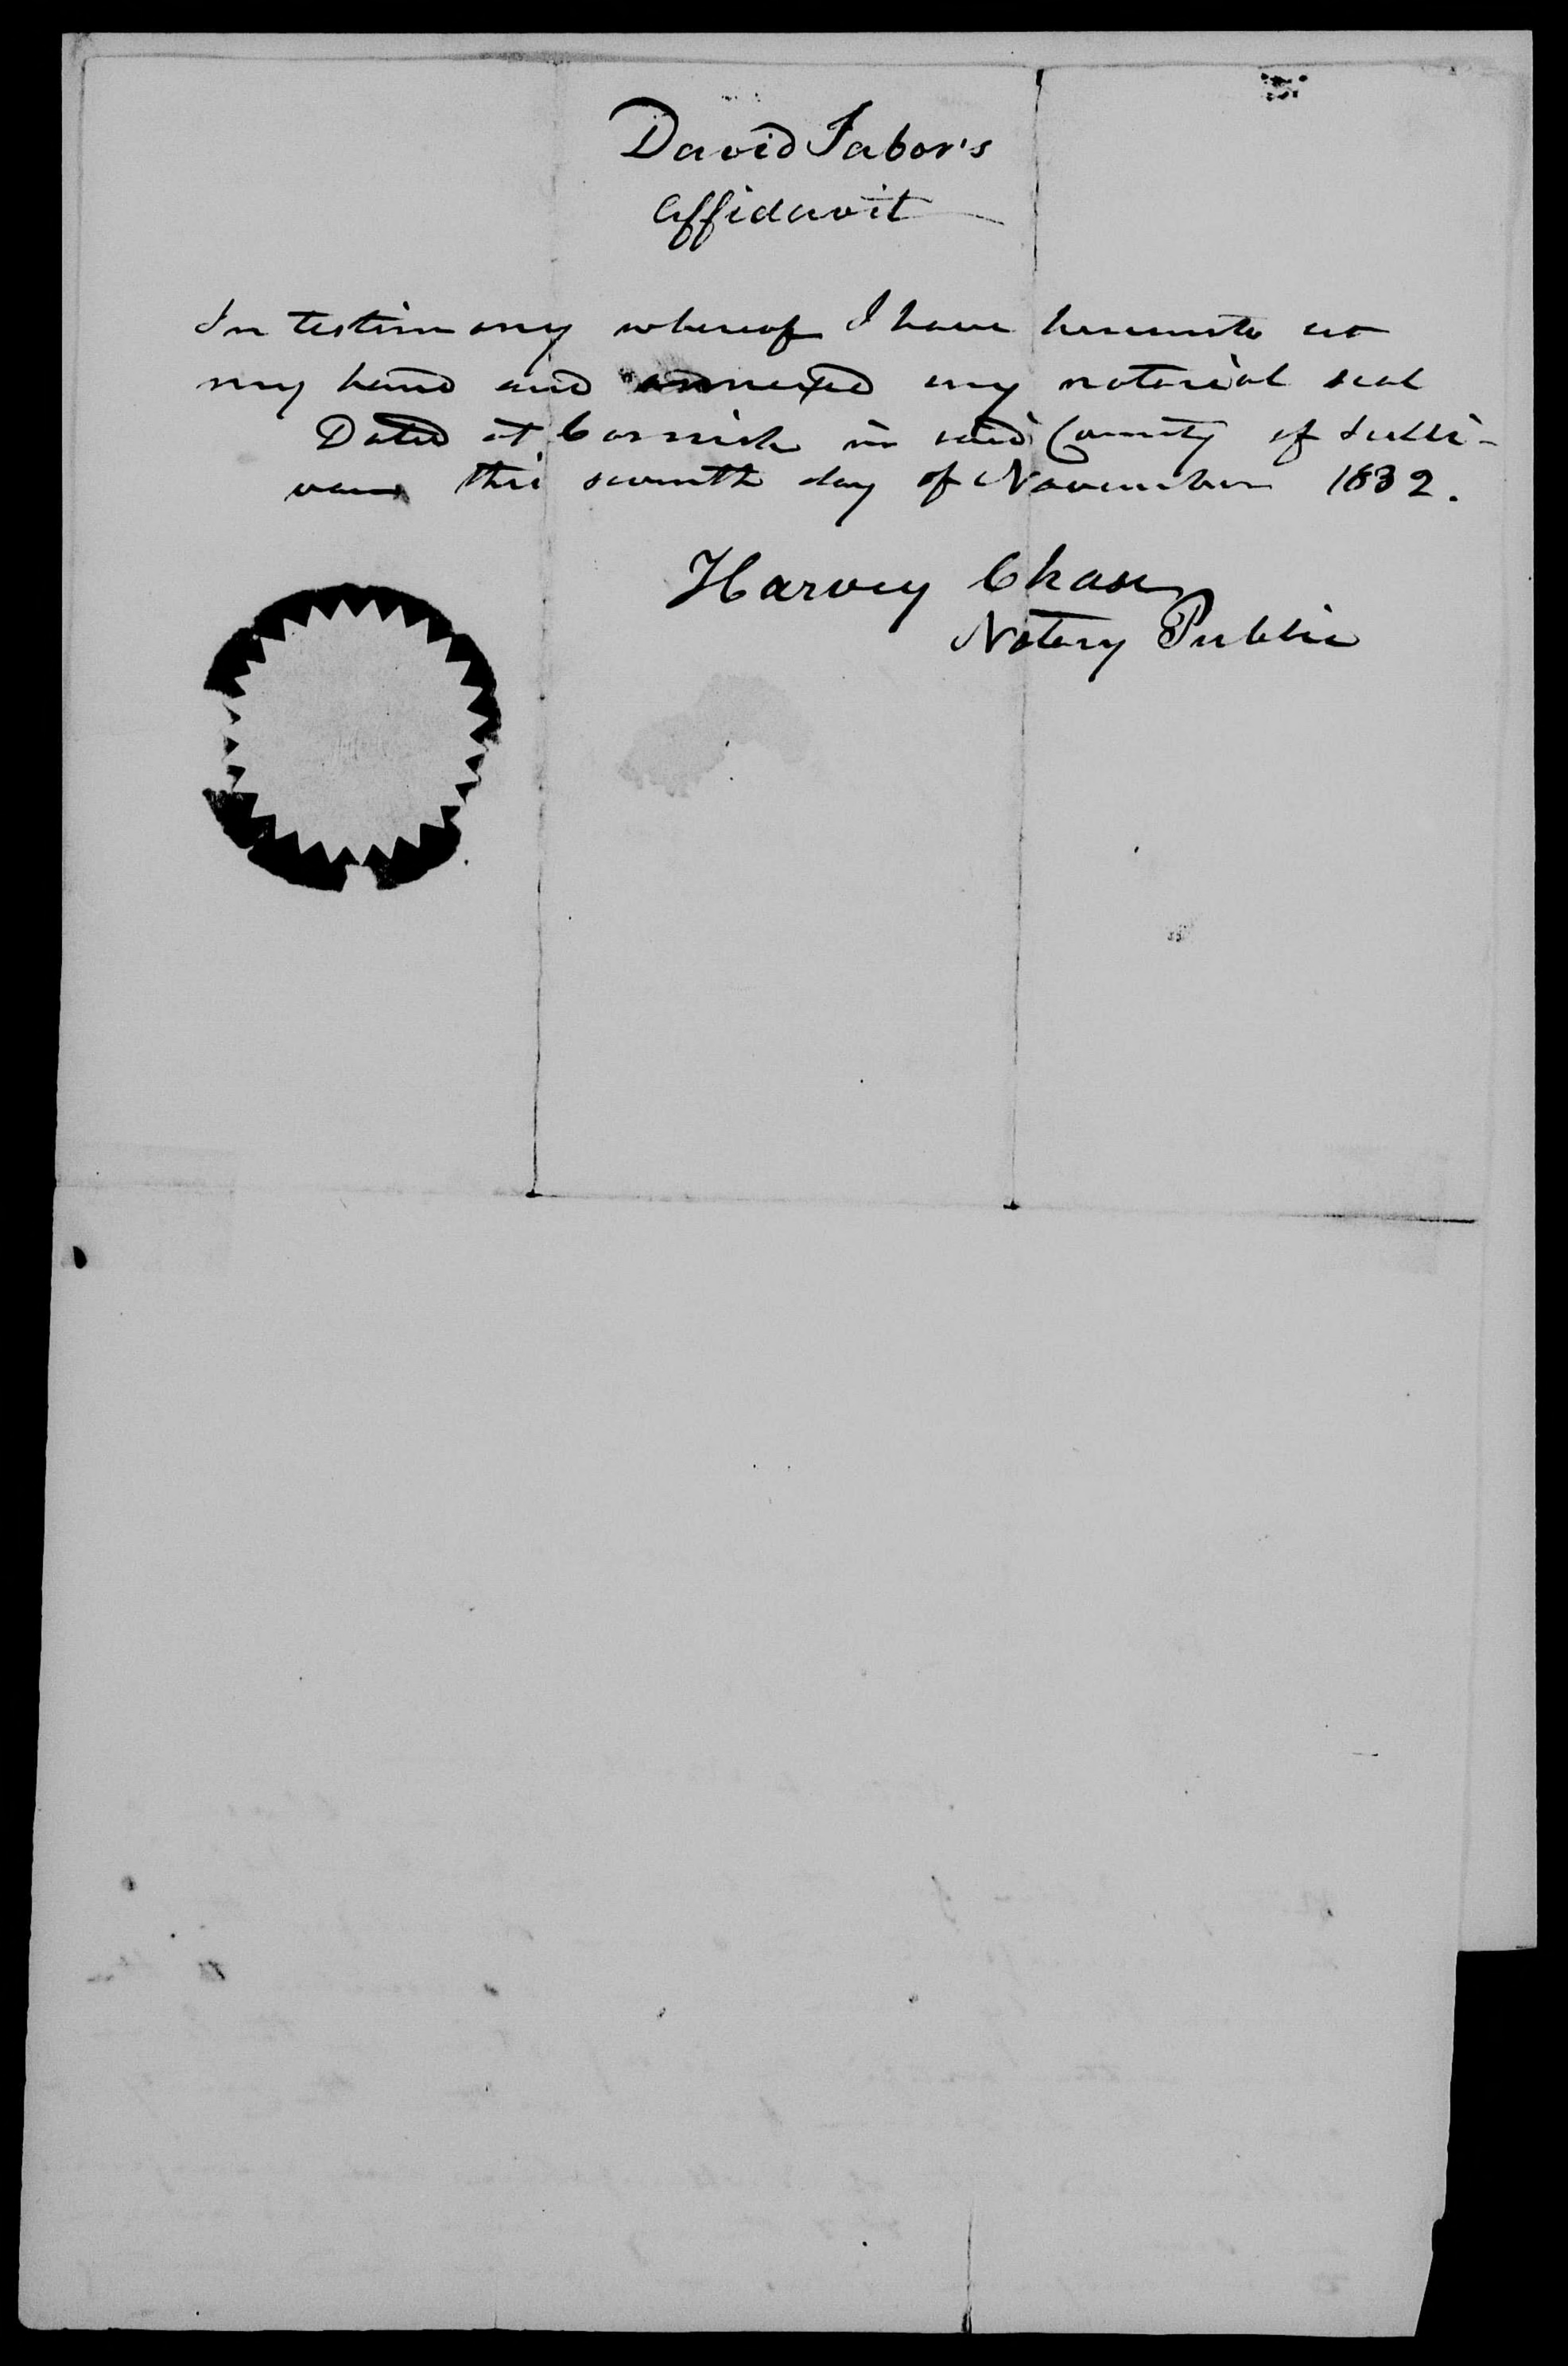David Tabor's
Affidavit

In testimony where of I have hereunto set my hand and annexed my notorial seal.
Dated at Cornish in said County of Sullivan this seventh day of November 1832.
Harvey Chase
Notary Public
(Seal)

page: 10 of 41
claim: widow's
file: W 26507, for Church Tabor, Massachusetts